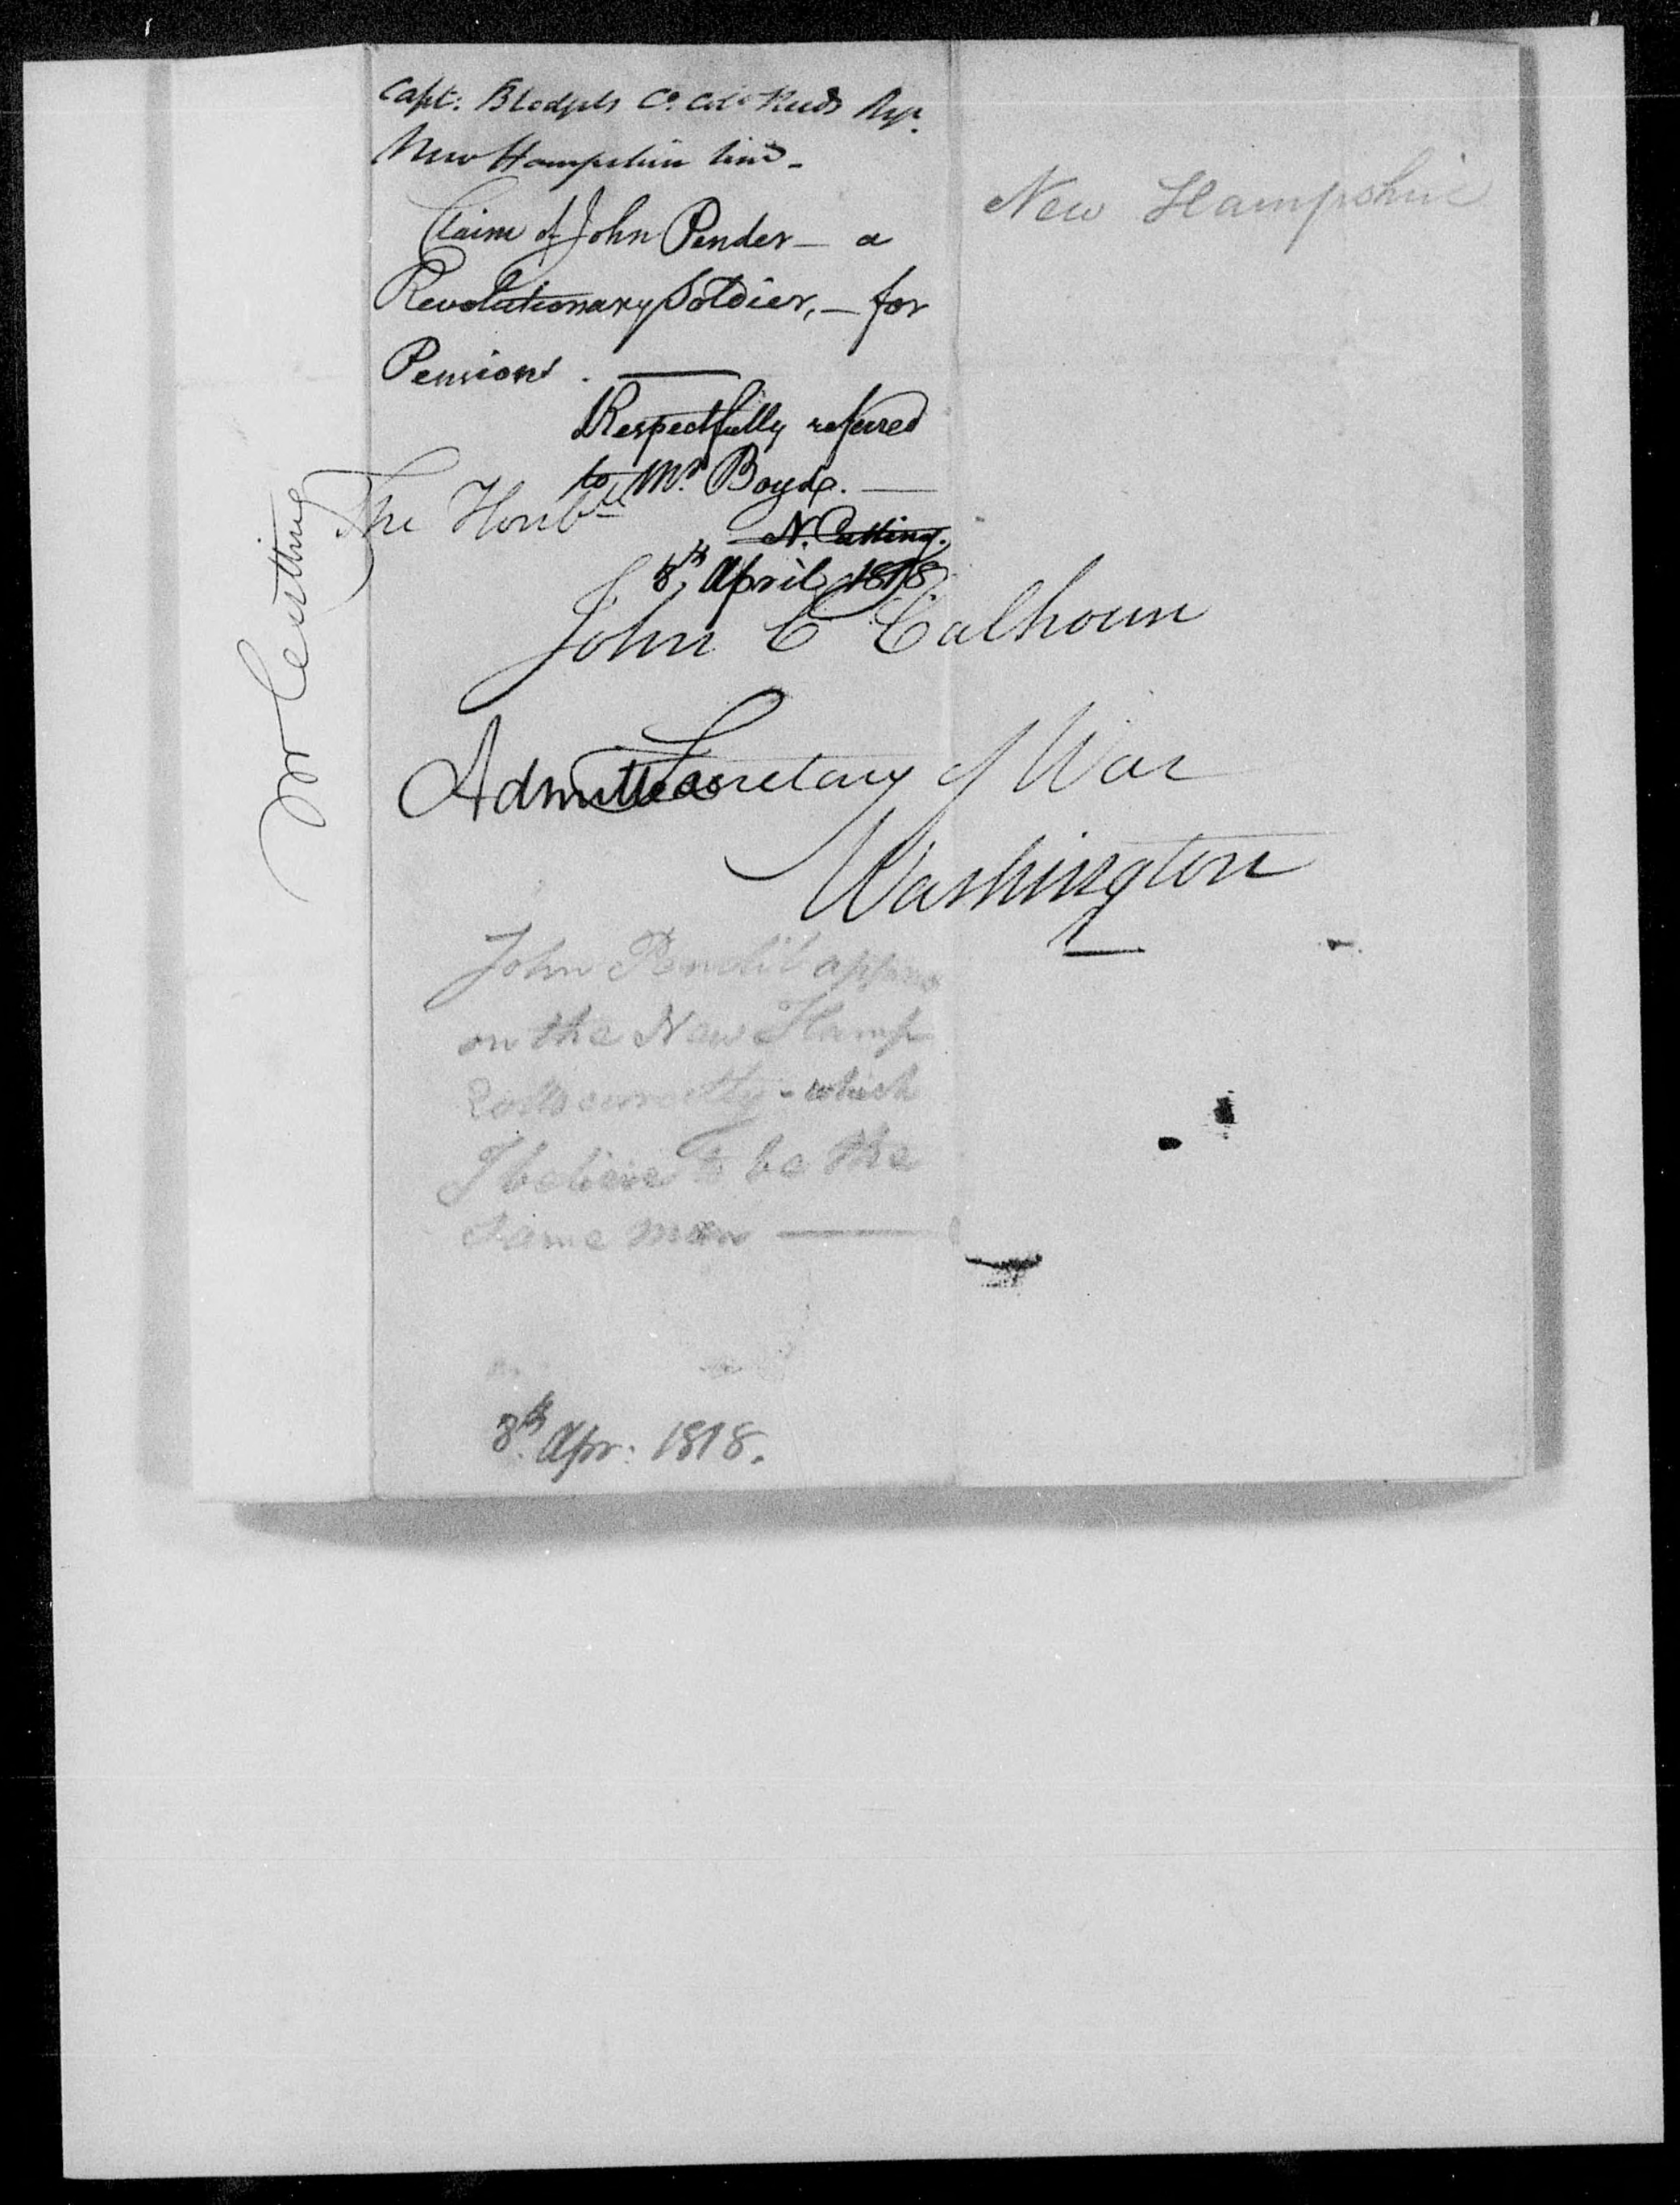[along left side:] Mr Cutting

Capt. Blodgets Co.   Col. Reeds Regt. 
New Hampshire line
Claim of John Pender a Revolutionary Soldier, 
for Pension

Respectfully referred to Mr Boyd
N. Cutting
8th Apr. 1818.

Admitted

John Pendil appears on the New Hampshire rolls - which I believe to be the same man---

[right side of page:]  New Hampshire

[the above is written over the following address:]
The Honble John C. Calhoun
Secretary of War
Washington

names: John Pender; John C Calhoun; [BLANK] Cutting; [BLANK] Boyd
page: 3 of 13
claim: survivor's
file: S. 36211, for John Pender, New Hampshire